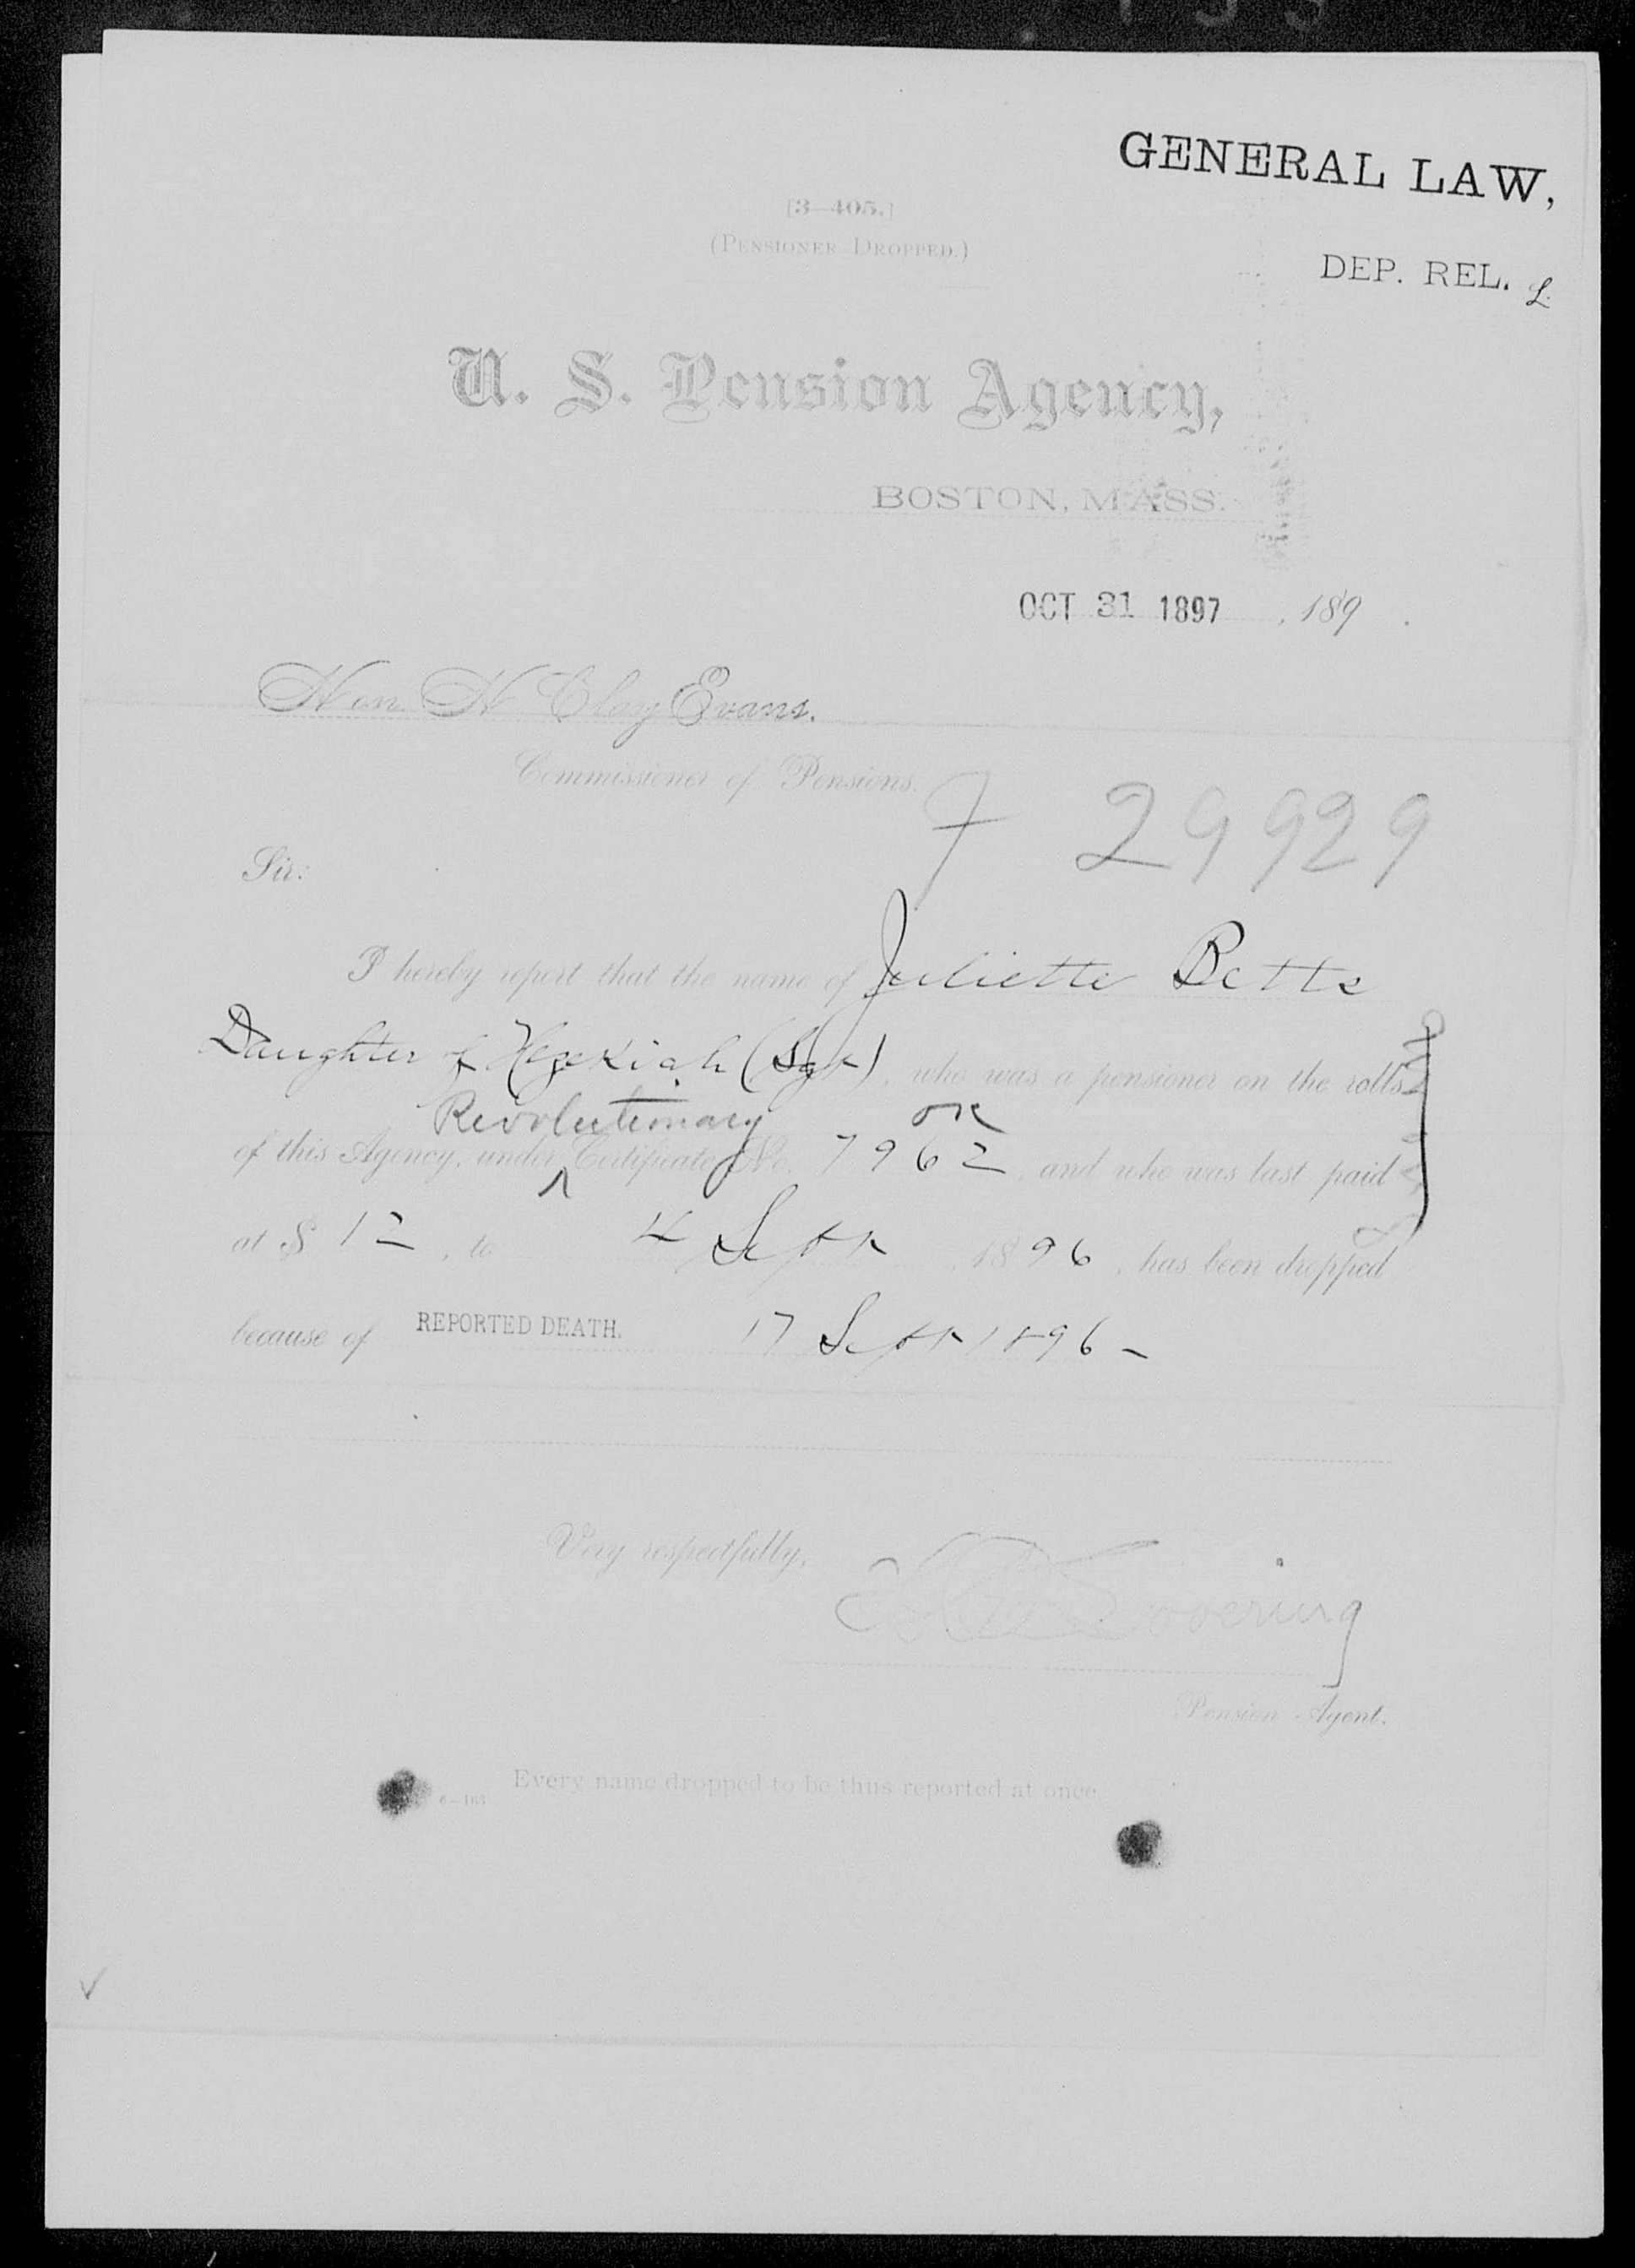GENERAL LAW

DEP. REL. L
[3--405.]
(PENSIONER DROPPED.)

U.S. Pension Agency,
Boston Mass. 

Oct. 31, 1897,   189_

Hon. H. Clay Evans, 
Commissioner of Pensions. 

Sir:                          29929

I hereby report that the name of Juliette Betts Daughter of Hezekiah (Sgt), who was a pensioner on the Rolls of this Agency, under Revolutionary Certificate No. 7962, and who was last paid at $12, to 4 Sept. 1896, has been dropped because of Reported Death 17 Sept. 1896. 

Very Respectfully, 
[illegible] Sovering
Pension Agent

Every name dropped to be thus reported at once.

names: Juliette Betts, H Clay Evans, Hezekiah, Ebenzer Lansing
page: 2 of 61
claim: widow's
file: W. 29,929, Hezekiah Betts, Conn.